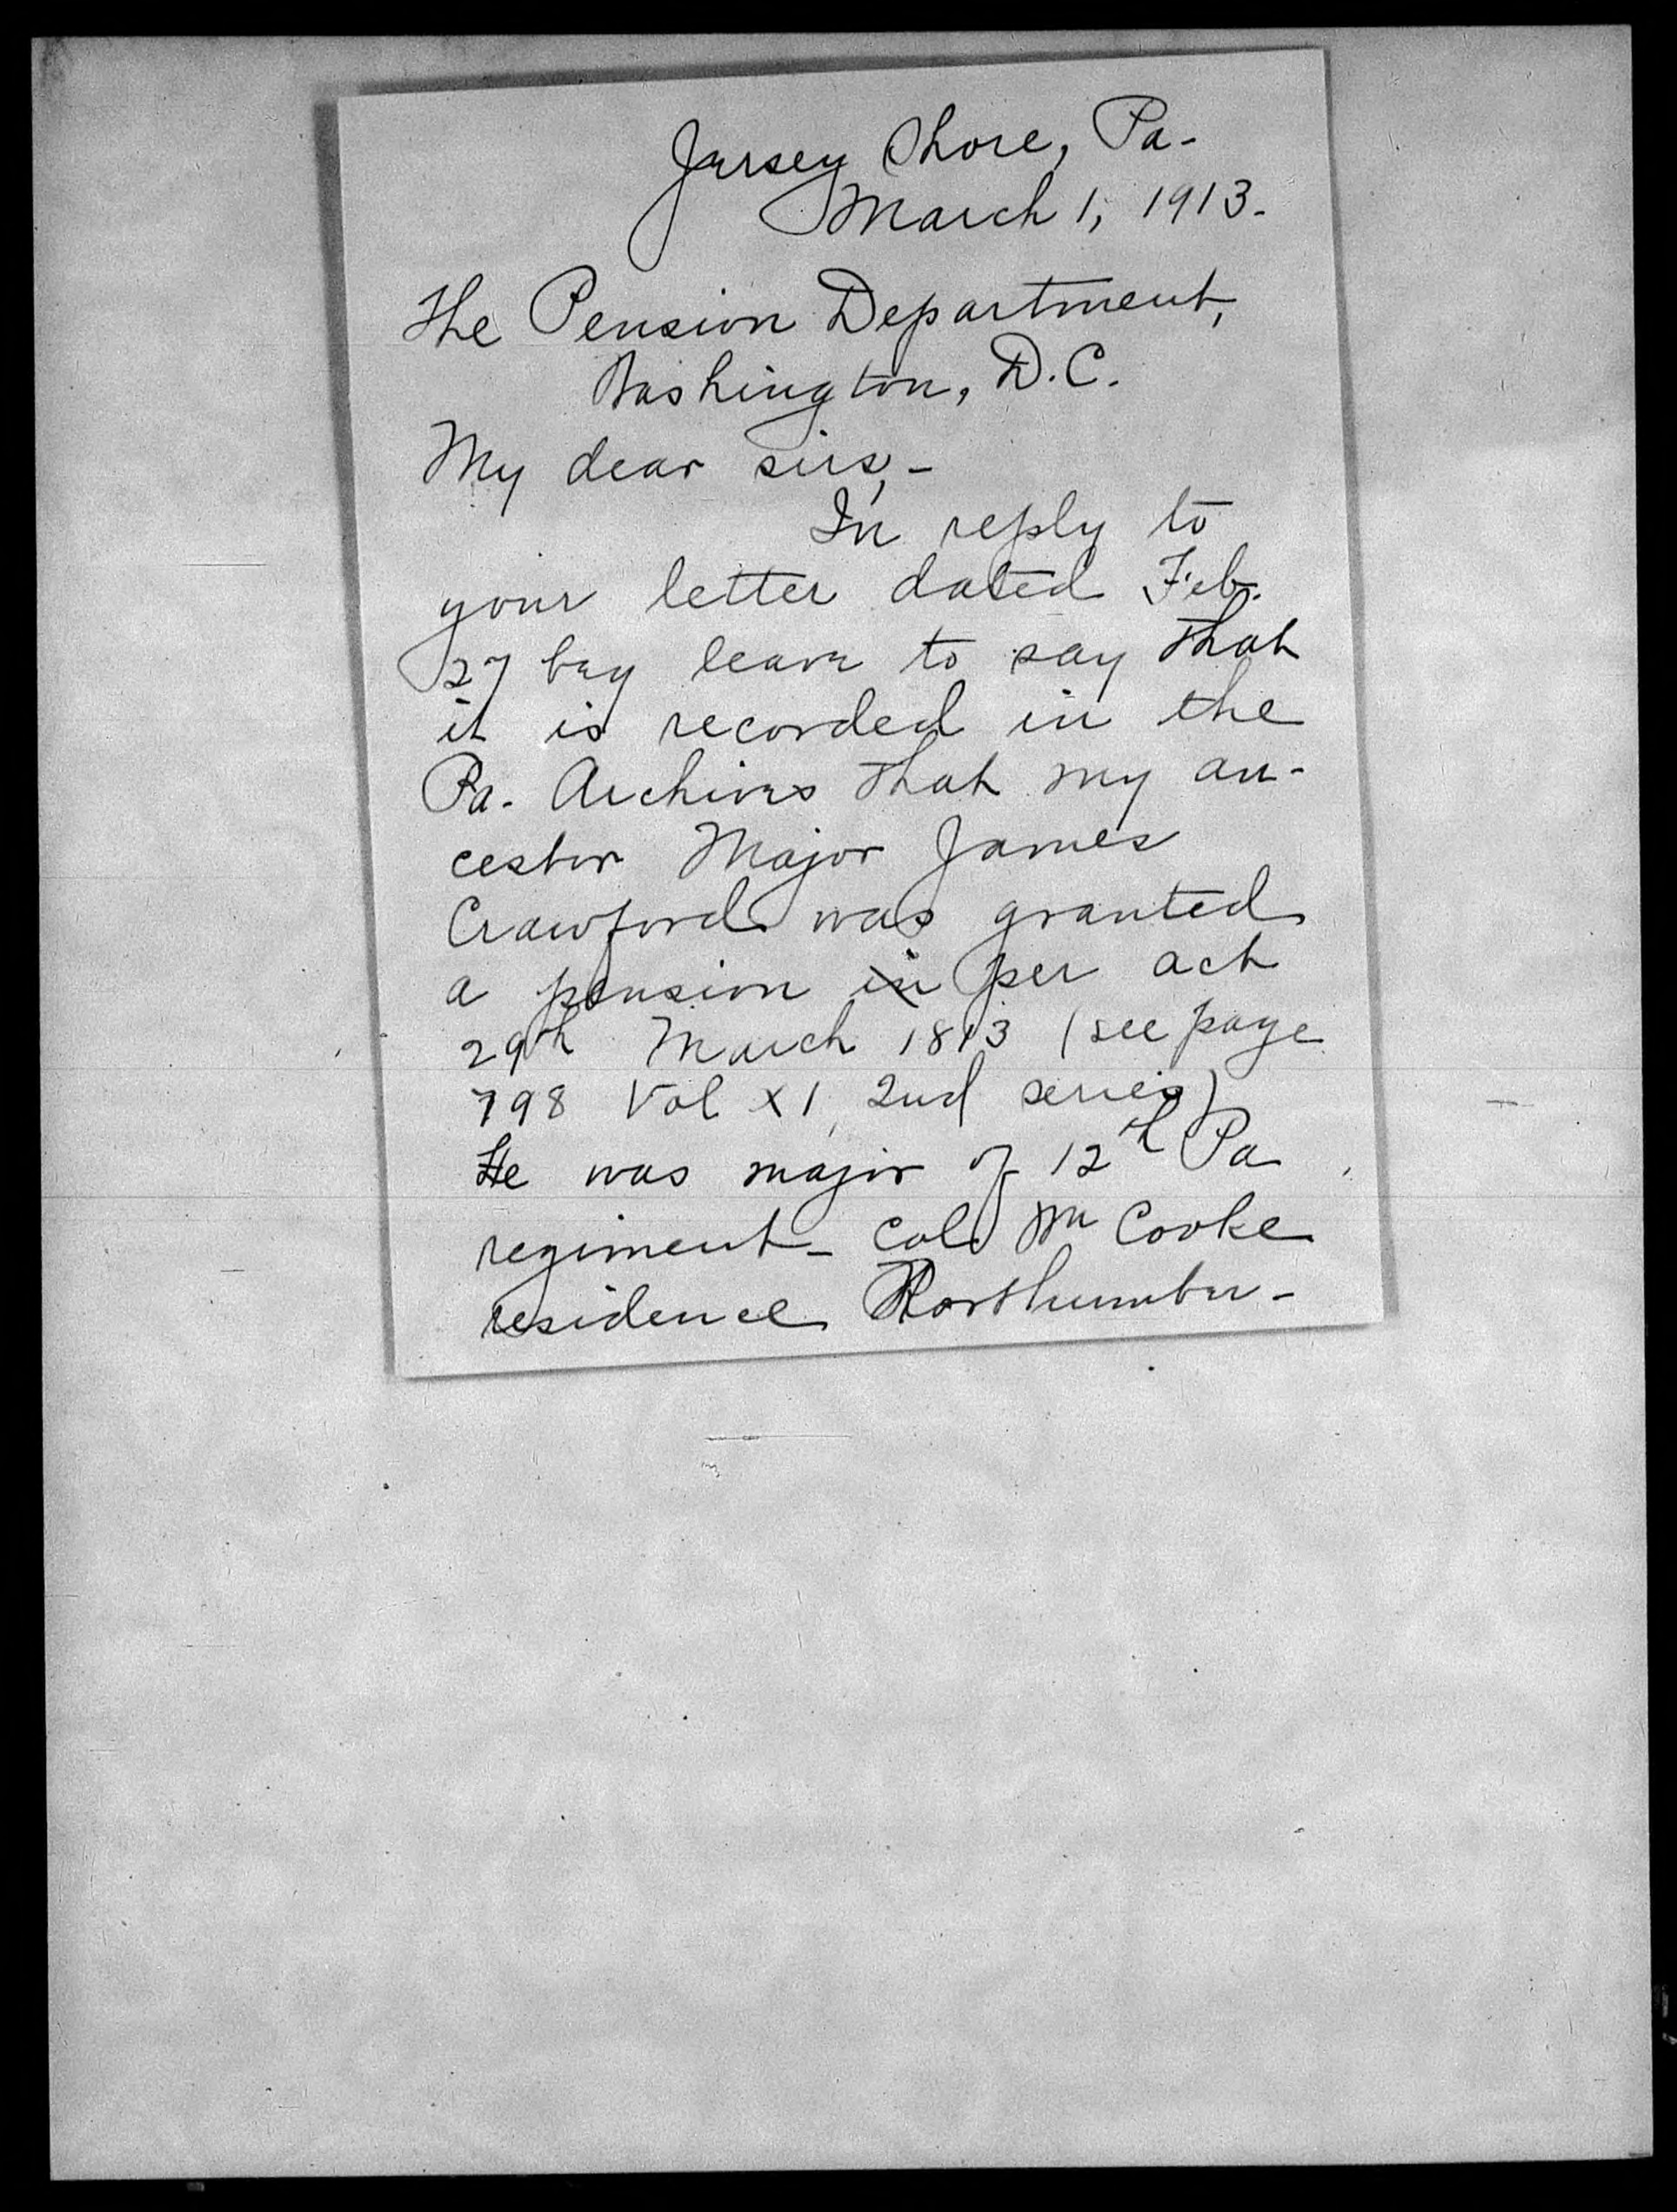Jersey Shore, Pa.    
March 1, 1913.        
The Pension Department,     
Washington, D.C.   
My dear sirs-  
In reply to your letter dated Feb. 27 beg leave to say that it is recorded in the Pa. Archives that my ancestor Major James Crawford was granted a pension per act 29th March 1843 (see page 198 Vol x1 2nd series)  He was major of 12th Pa regiment. Col Wm Cooke residence Northumberland -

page: 22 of 31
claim: survivor's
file: S. 6154, for Joseph Sturgis, Pennsylvania